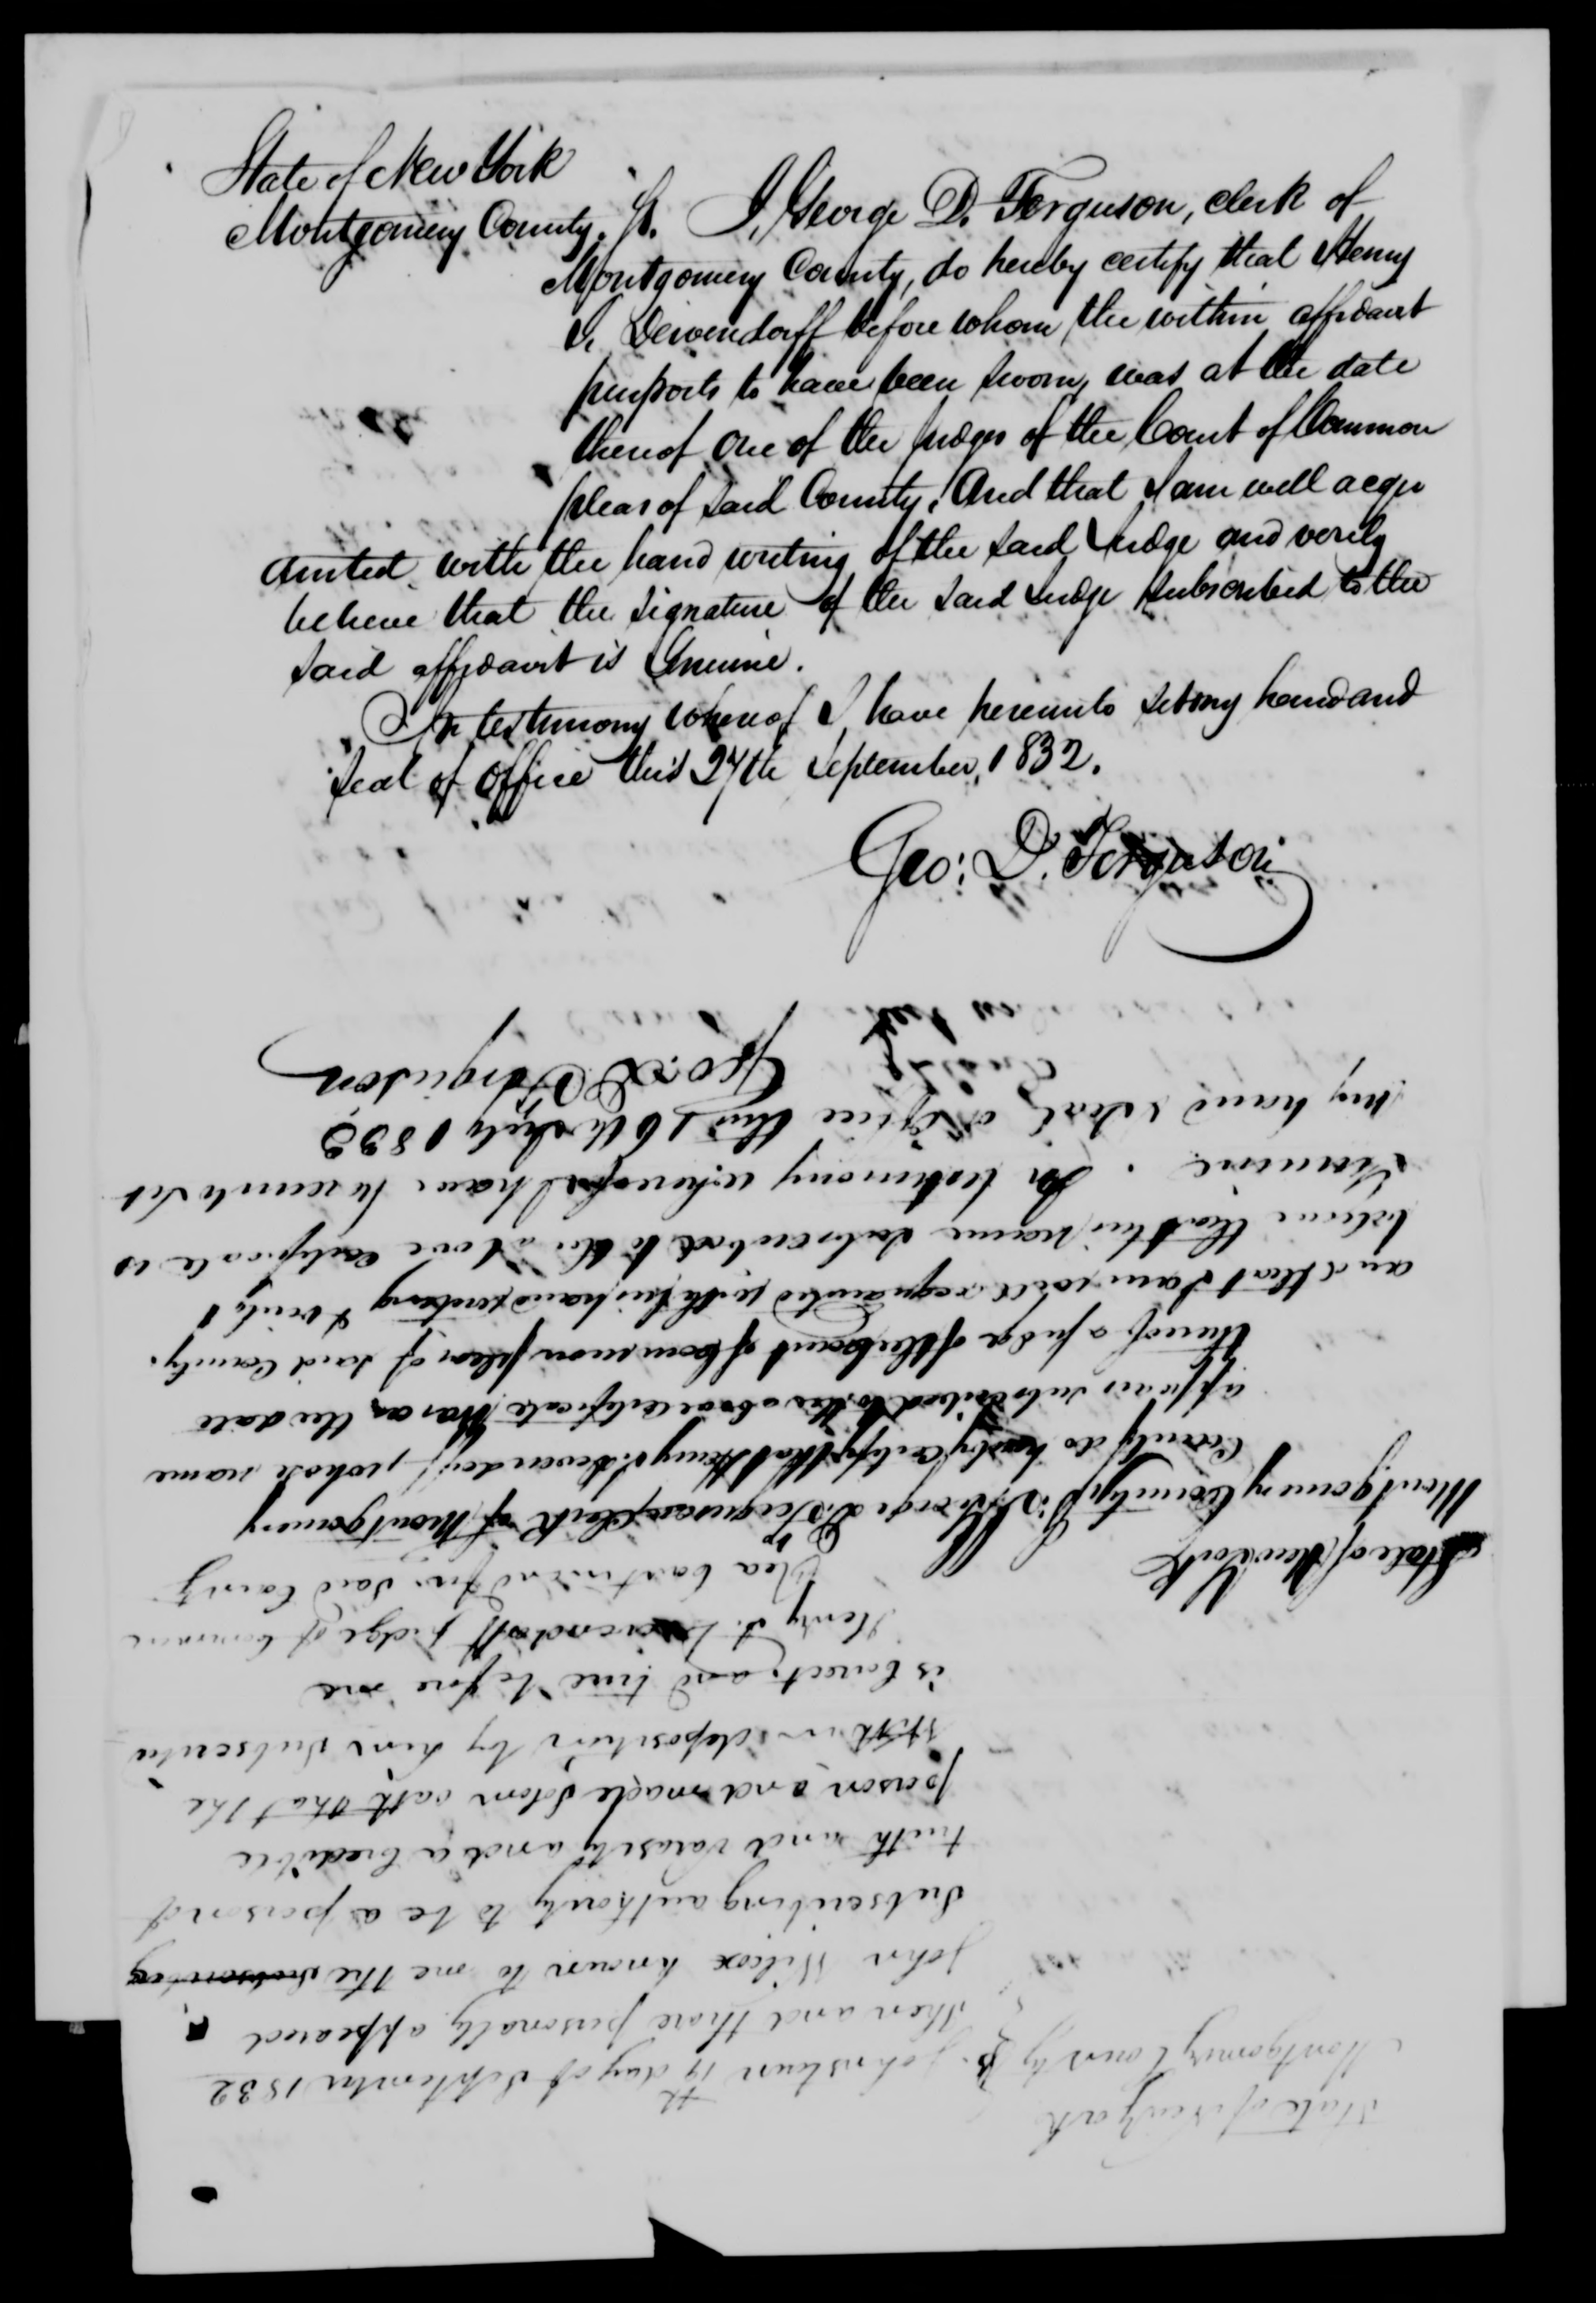State of New York
Montgomery County, SS
I, George D Ferguson, clerk of Montgomery County, do hereby certify that Henry I Deivendorff before whom the within affidavit purports to have been sworn was at the date thereof one of the Judges of the Court of Common Pleas of Said County. And that I am well acquainted with the hand writing of the said Judge and verily believe that the signature of the said Judge subscribed to the said affidavit is genuine.
In testimony whereof I have hereunto set my hand and seal of office this 24th September 1832.
Geo: D. Ferguson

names: George D Ferguson, Henry J Deivendorff, John Wilcox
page: 26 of 46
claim: widow's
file: W. 18,417, James Willcox, Conn.